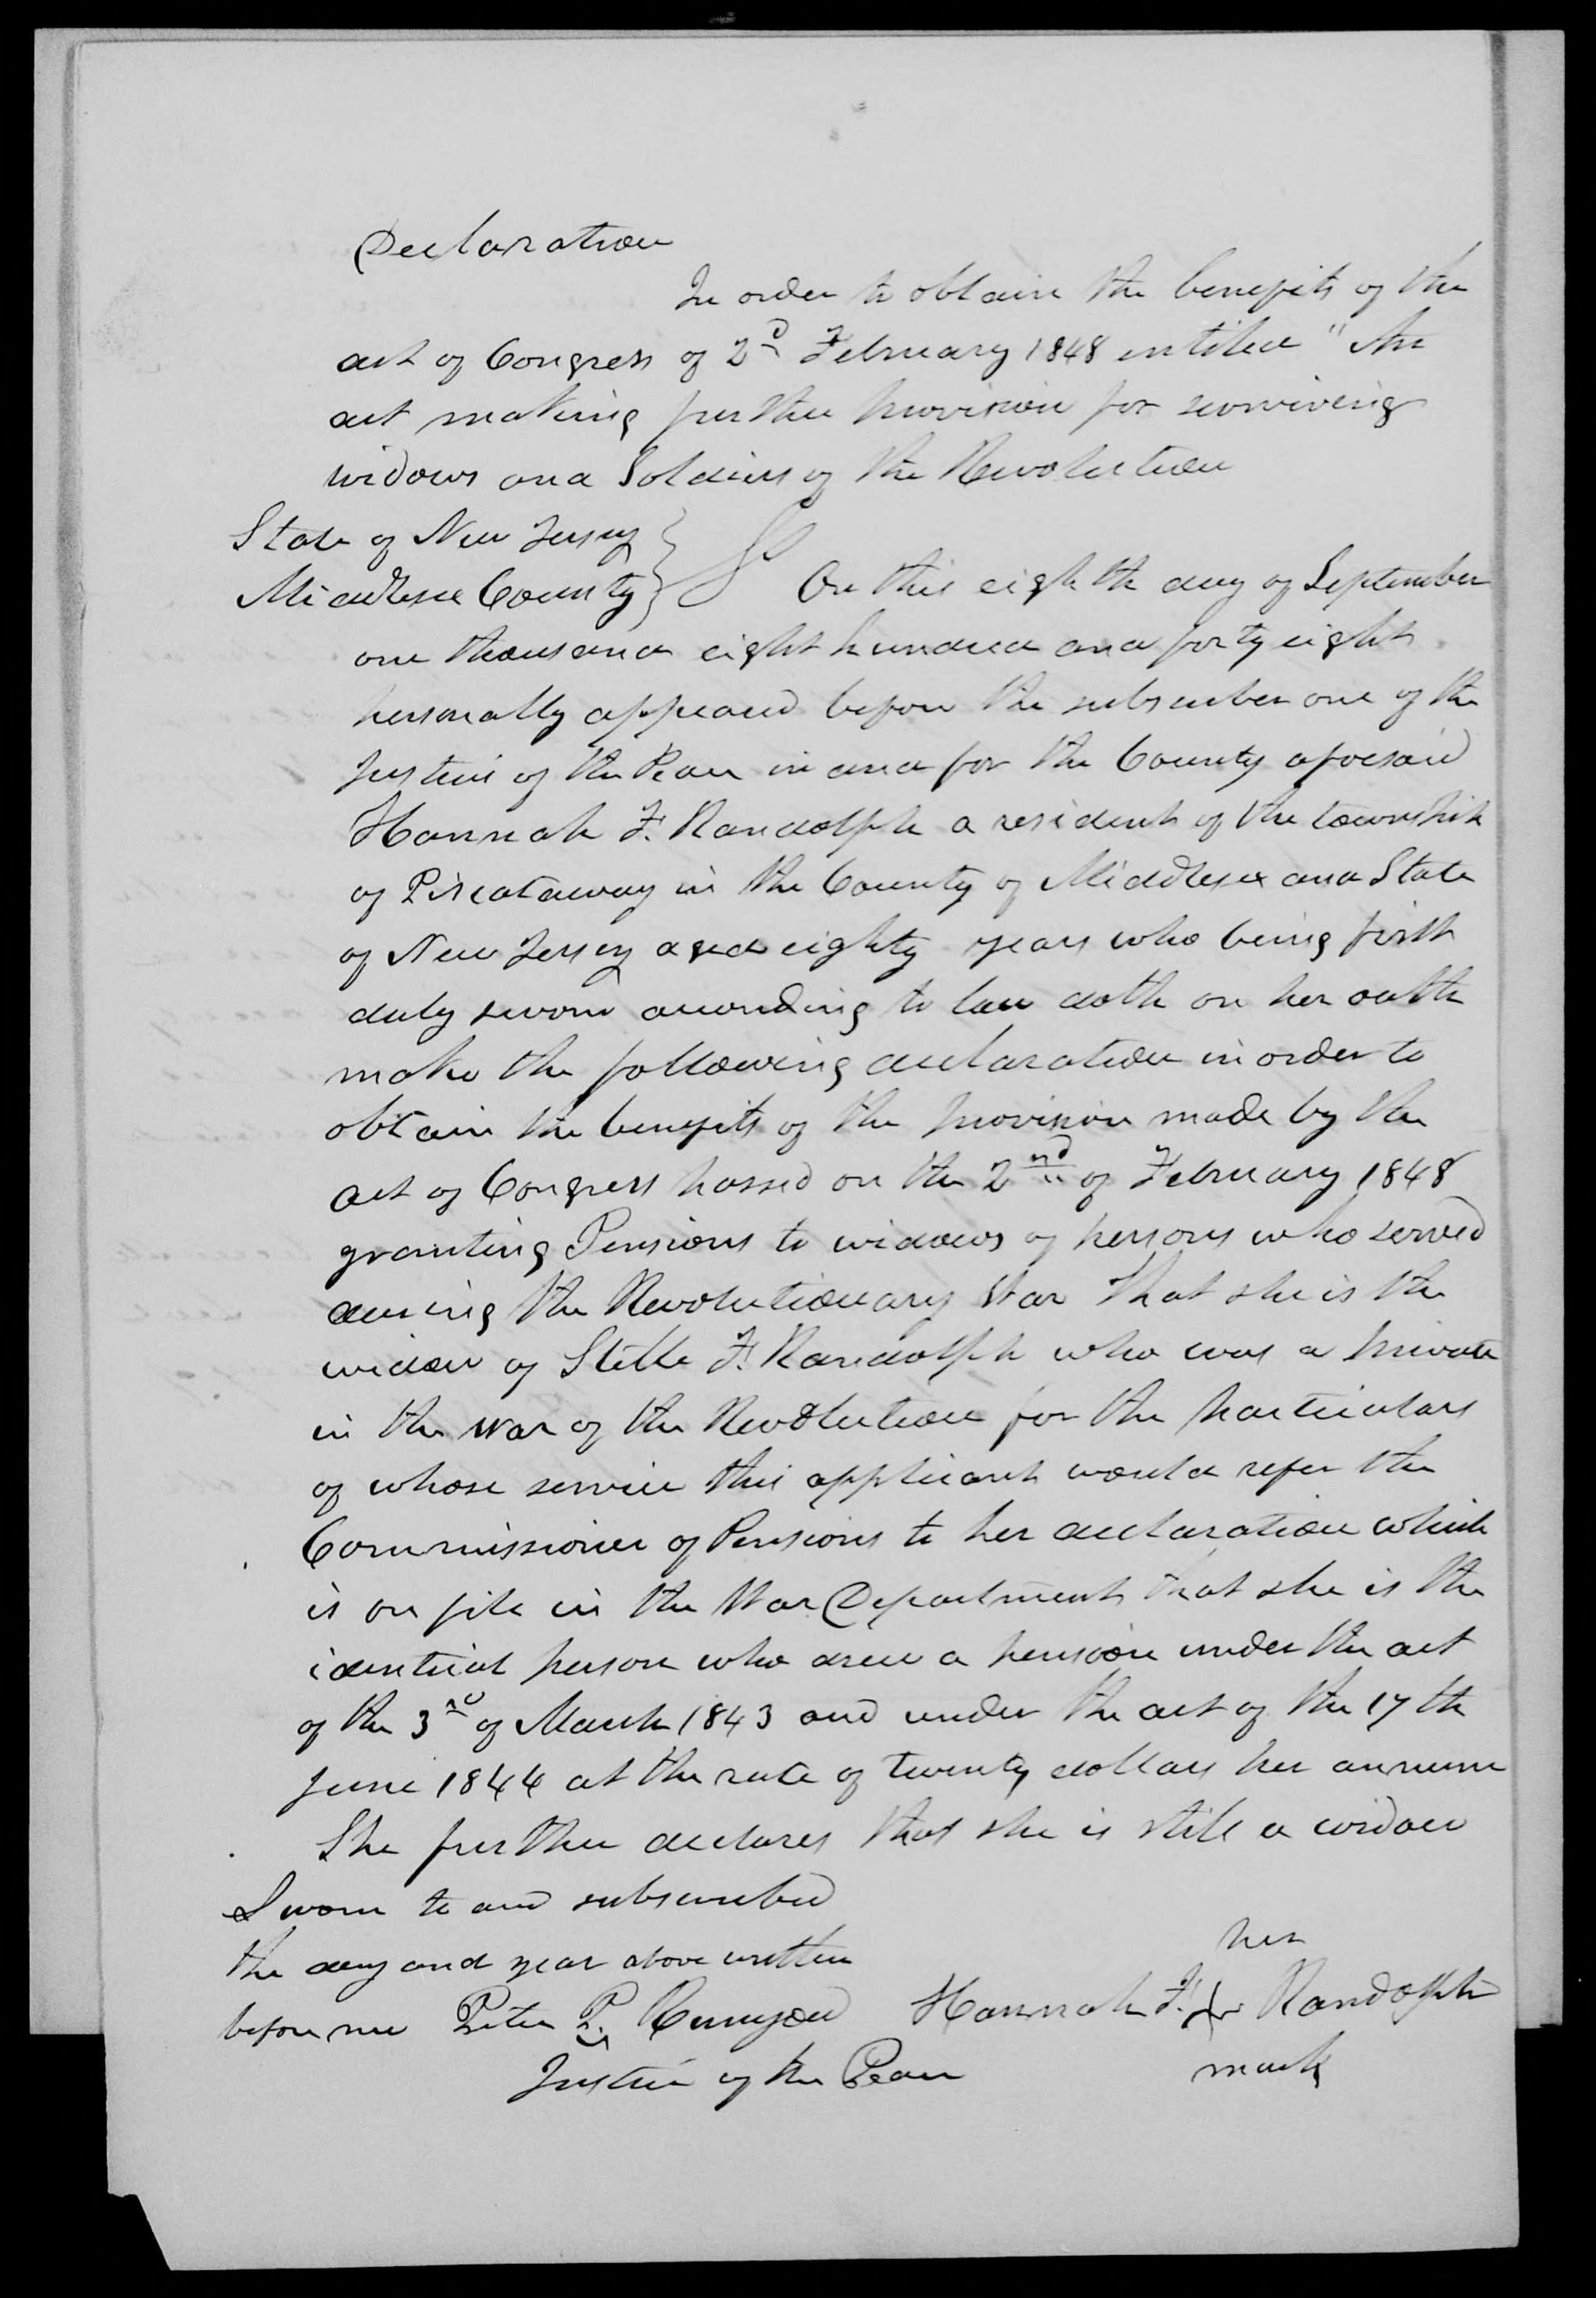Declaration

In order to obtain the benefits of the act of Congress of 2nd February 1848 entitled "An act making further provision for surviving widows and soldiers of the Revolution

State of New Jersey
Middlesex County
ss

On this eighth day of September one thousand eight hundred and forty eight personally appeared before the subscriber one of the Justices of the Peace in court for the county aforesaid Hannah F. Randolph a resident of the township of Piscataway in the County of Middlesex and State of New Jesey aged eighty years who being first duly sworn according to law doth on her oath make the following declaration in order to obtain the benefits of the provision made by the act of Congress passed on the 2nd of February 1848 granting pensions to widows of heroes who served during the Revolutionary War.  That she is the widow of Stelle H. Randolph who was a private in the war of the Revolution for the particulars of those service this applicant would refer the Commissioner of Pensions to her declaration which is on file in the War Department that she is the identical person who drew a pension under the act of the 3rd of March 1843 and under the act of the 17th June 1844 at the rate pf twenty dollars per annum.  

She further declares that she is still a widow.

Hannah F. Randolph X her mark

Sworn to and subscribed the day and year above written before me 
Peter P. Cunyou
Justice of the Peace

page: 23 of 33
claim: widow's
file: W. 5,665, for Stelle F Randolph, New Jersey